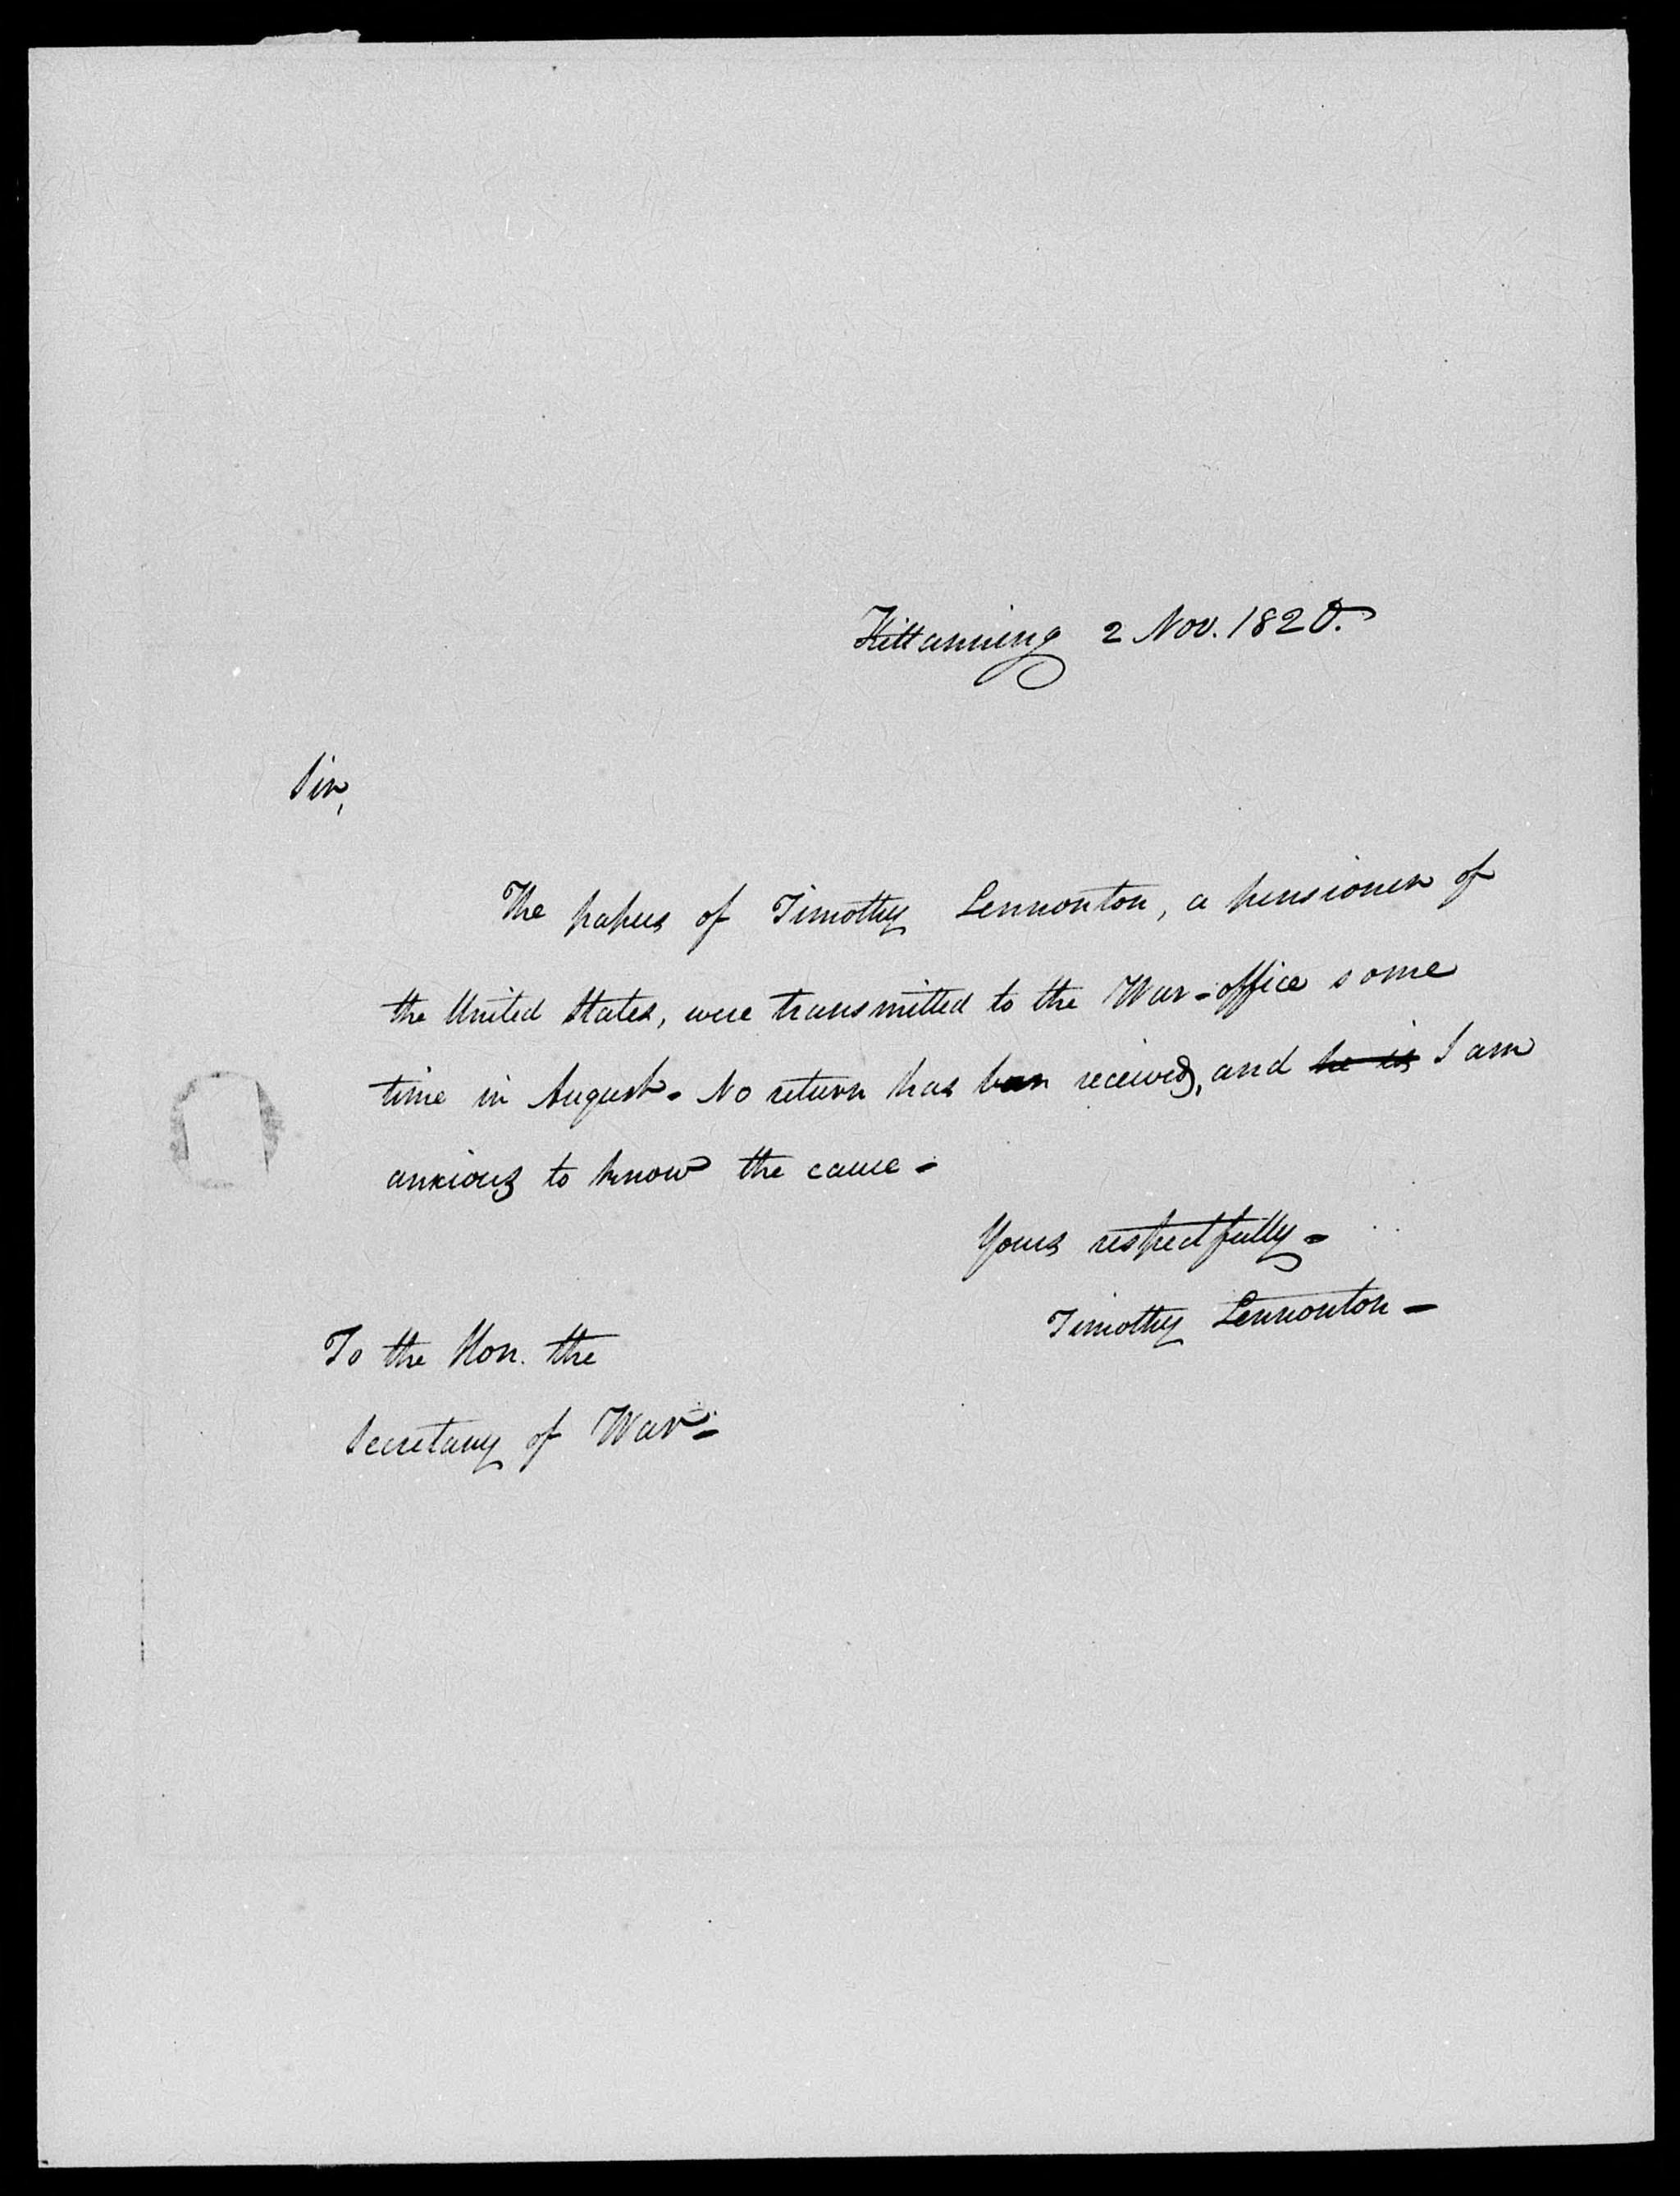Kittanning 2 Nov. 1820

Sir,

The papers of Timothy Lennonton, a pensioner of the United States, were transmitted to the War Office some time in August. No return has been received, and I am anxious to know the cause.

                                   Yours respectfully -
                                   Timothy Lennonton

To the Hon. the
Secretary of War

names: Timothy Lennonton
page: 7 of 14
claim: survivor's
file: S. 9749, for Timothy Lennonton, Pennsylvania